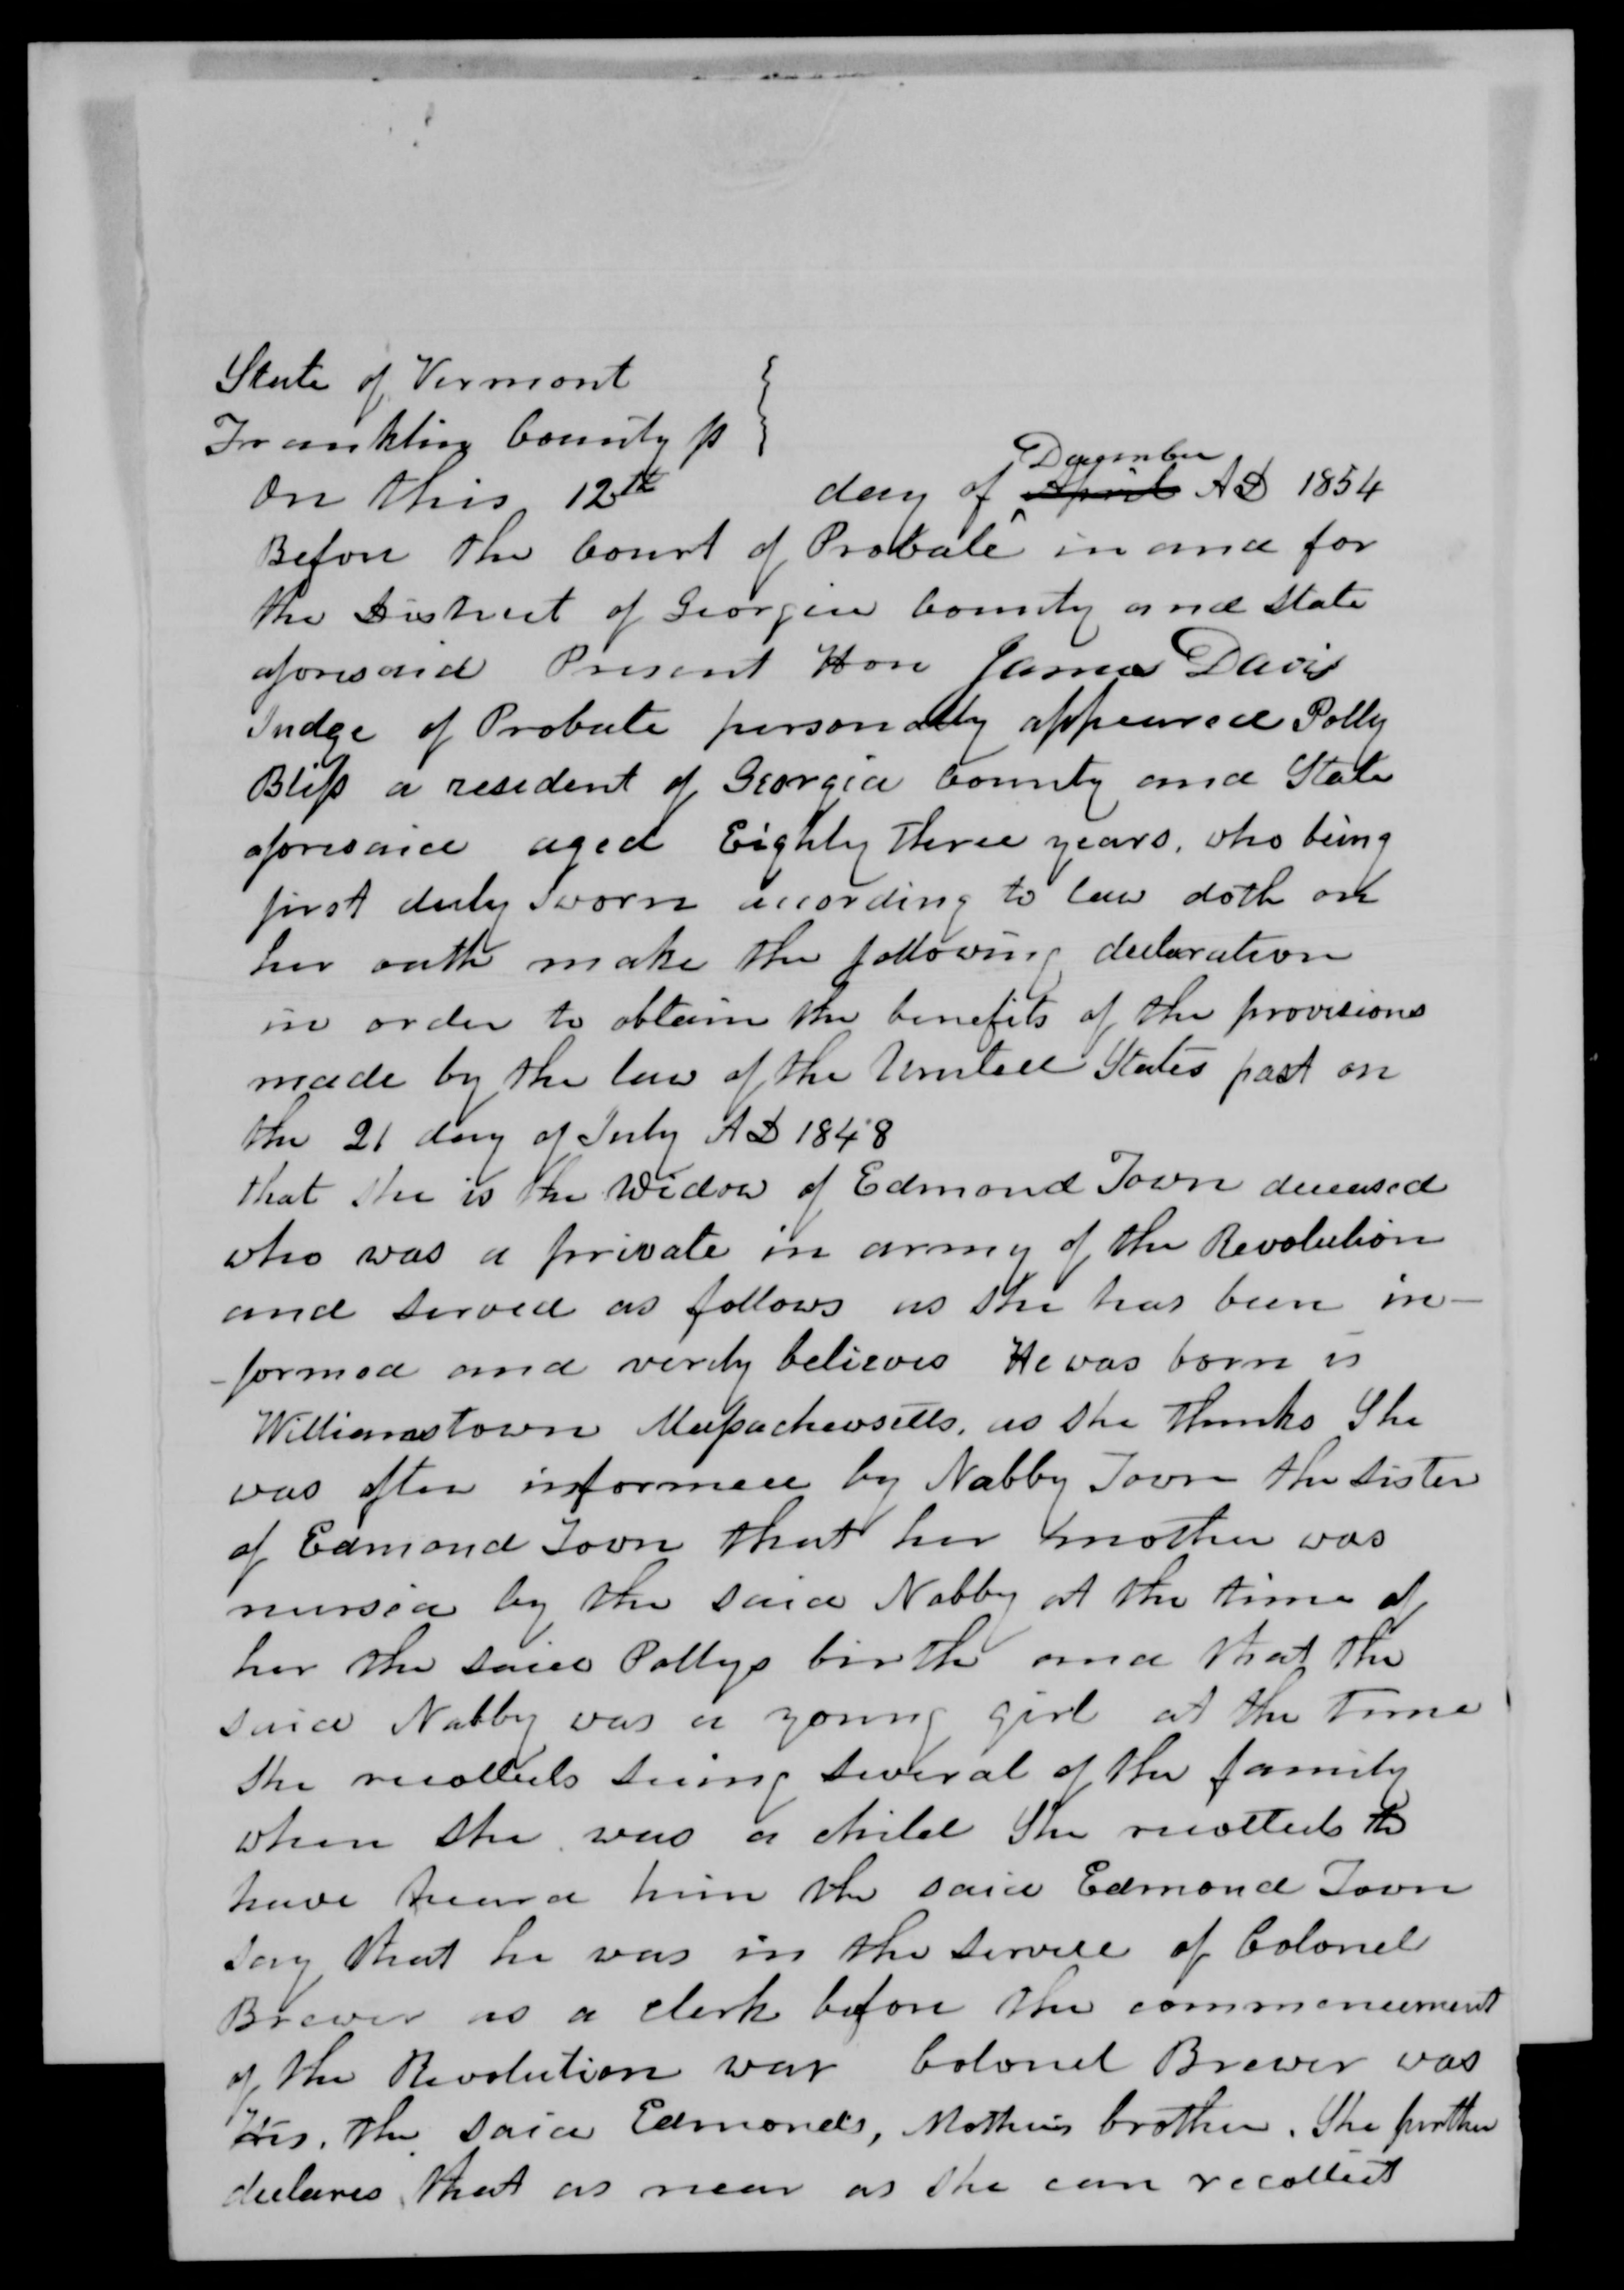State of Vermont
Franklin County ss
On this 12th day of (April=crossed out) December A. D. 1854 before the Court of Probate in and for the District of Georgia county and State aforesaid present Hon. James Davis Judge of Probate personally appeared Polly Bliss a resident of Georgia County and State aforesaid aged eighty three years, who being first duly sworn according to law doth on her oath make the following declaration in order to obtain the benefits of the provisions made by the law of the United States past on the 21 day of July A. D. 1848.
That she is the widow of Edmond Town deceased who was a private in army of the Revolution and served as follows as she has been informed and verily believes. He was born in Williamstown Massachusetts as she thinks. She was often informed by Nabby Town the sister of Edmond Town that her mother was nursed by the said Nabby at the time of her the said Pollys birth and that the said Nabby was a young girl at the time. She recollects serving several of the family when she was a child. She recollects to have heard him the said Edmond Town say that he was in the service of Colonel Brewer as a clerk before the commencement of the Revolution war. Colonel Brewer was his the said Edmonds mother's brother. She further declares that as near as she can recollect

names: Edmond Town, Nabby, Edmond, Polly Bliss, James Davis, Brewer, Edmond Town, Nabby Town, Brewer, Polly, Nabby, Edmond Town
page: 13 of 64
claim: widow's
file: W. 5831, Edmund Town, Mass.